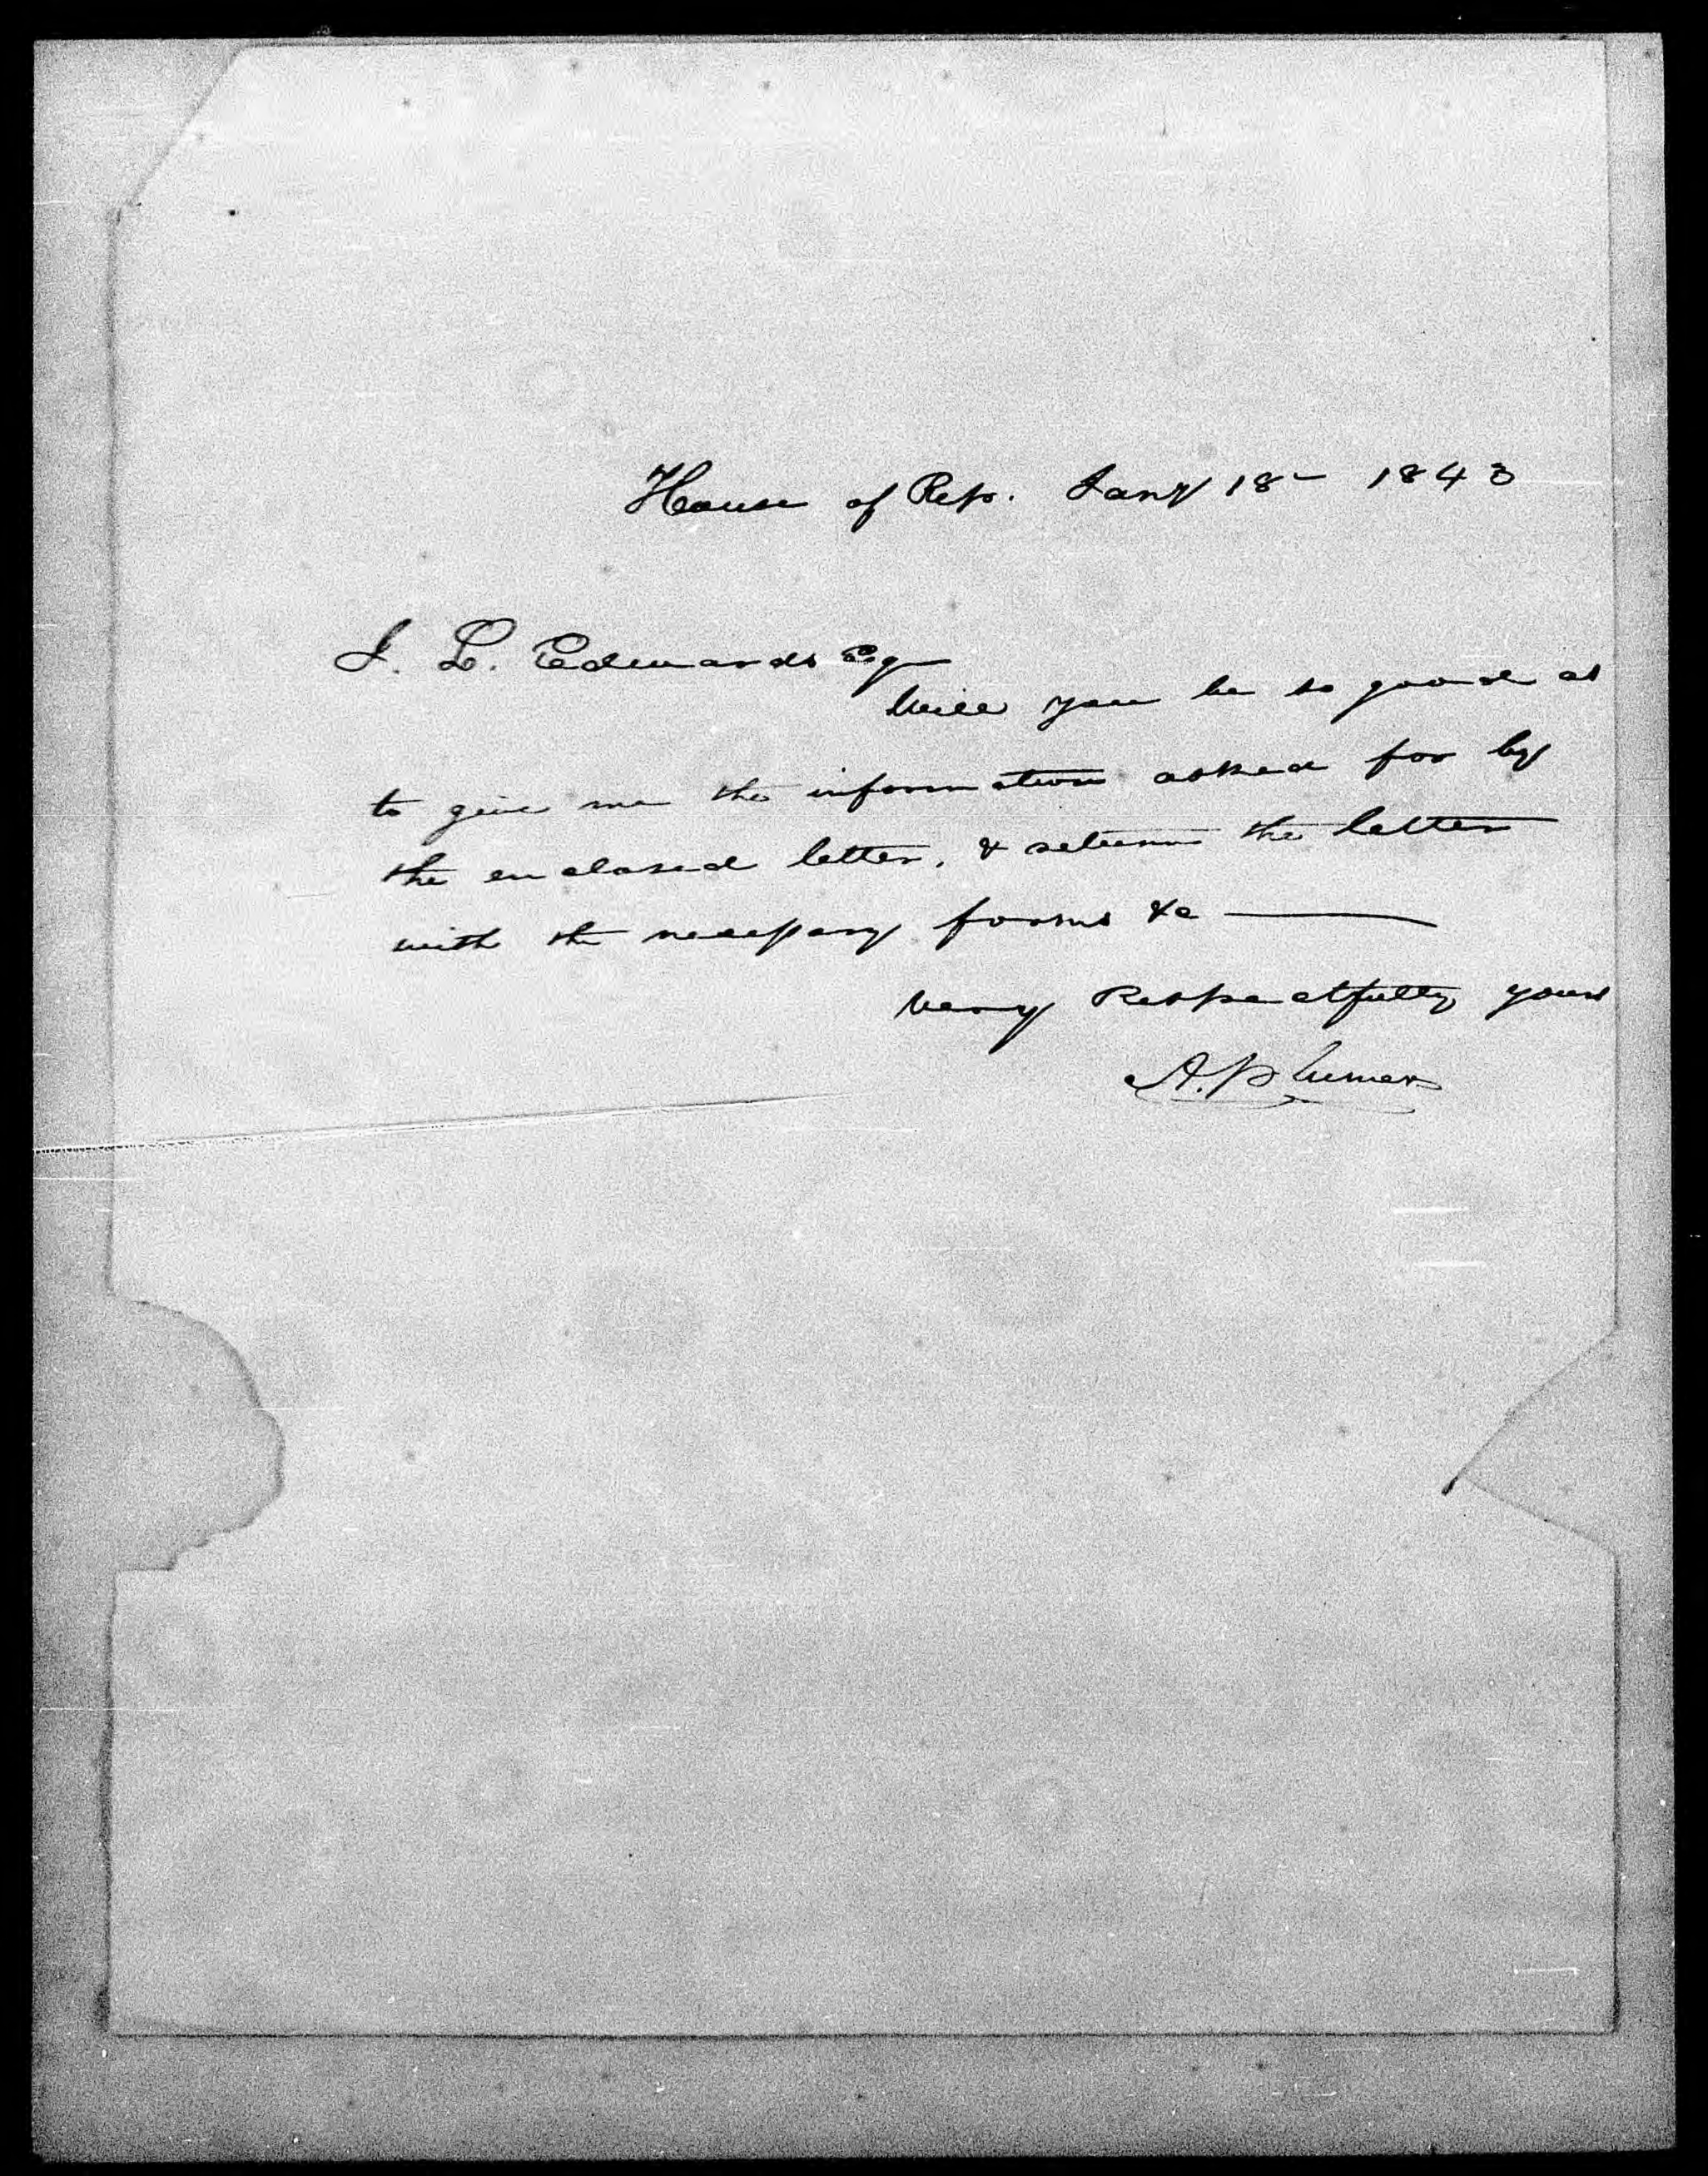J.L. EdwardsEsq
will you be so good as to give me the information asked for by the enclosed letter and return the letter with the necessary forms 
Very Respectfully yours
A. Plummer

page: 40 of 59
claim: widow's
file: W 3703, for Robert Mc Donald, Pennsylvania